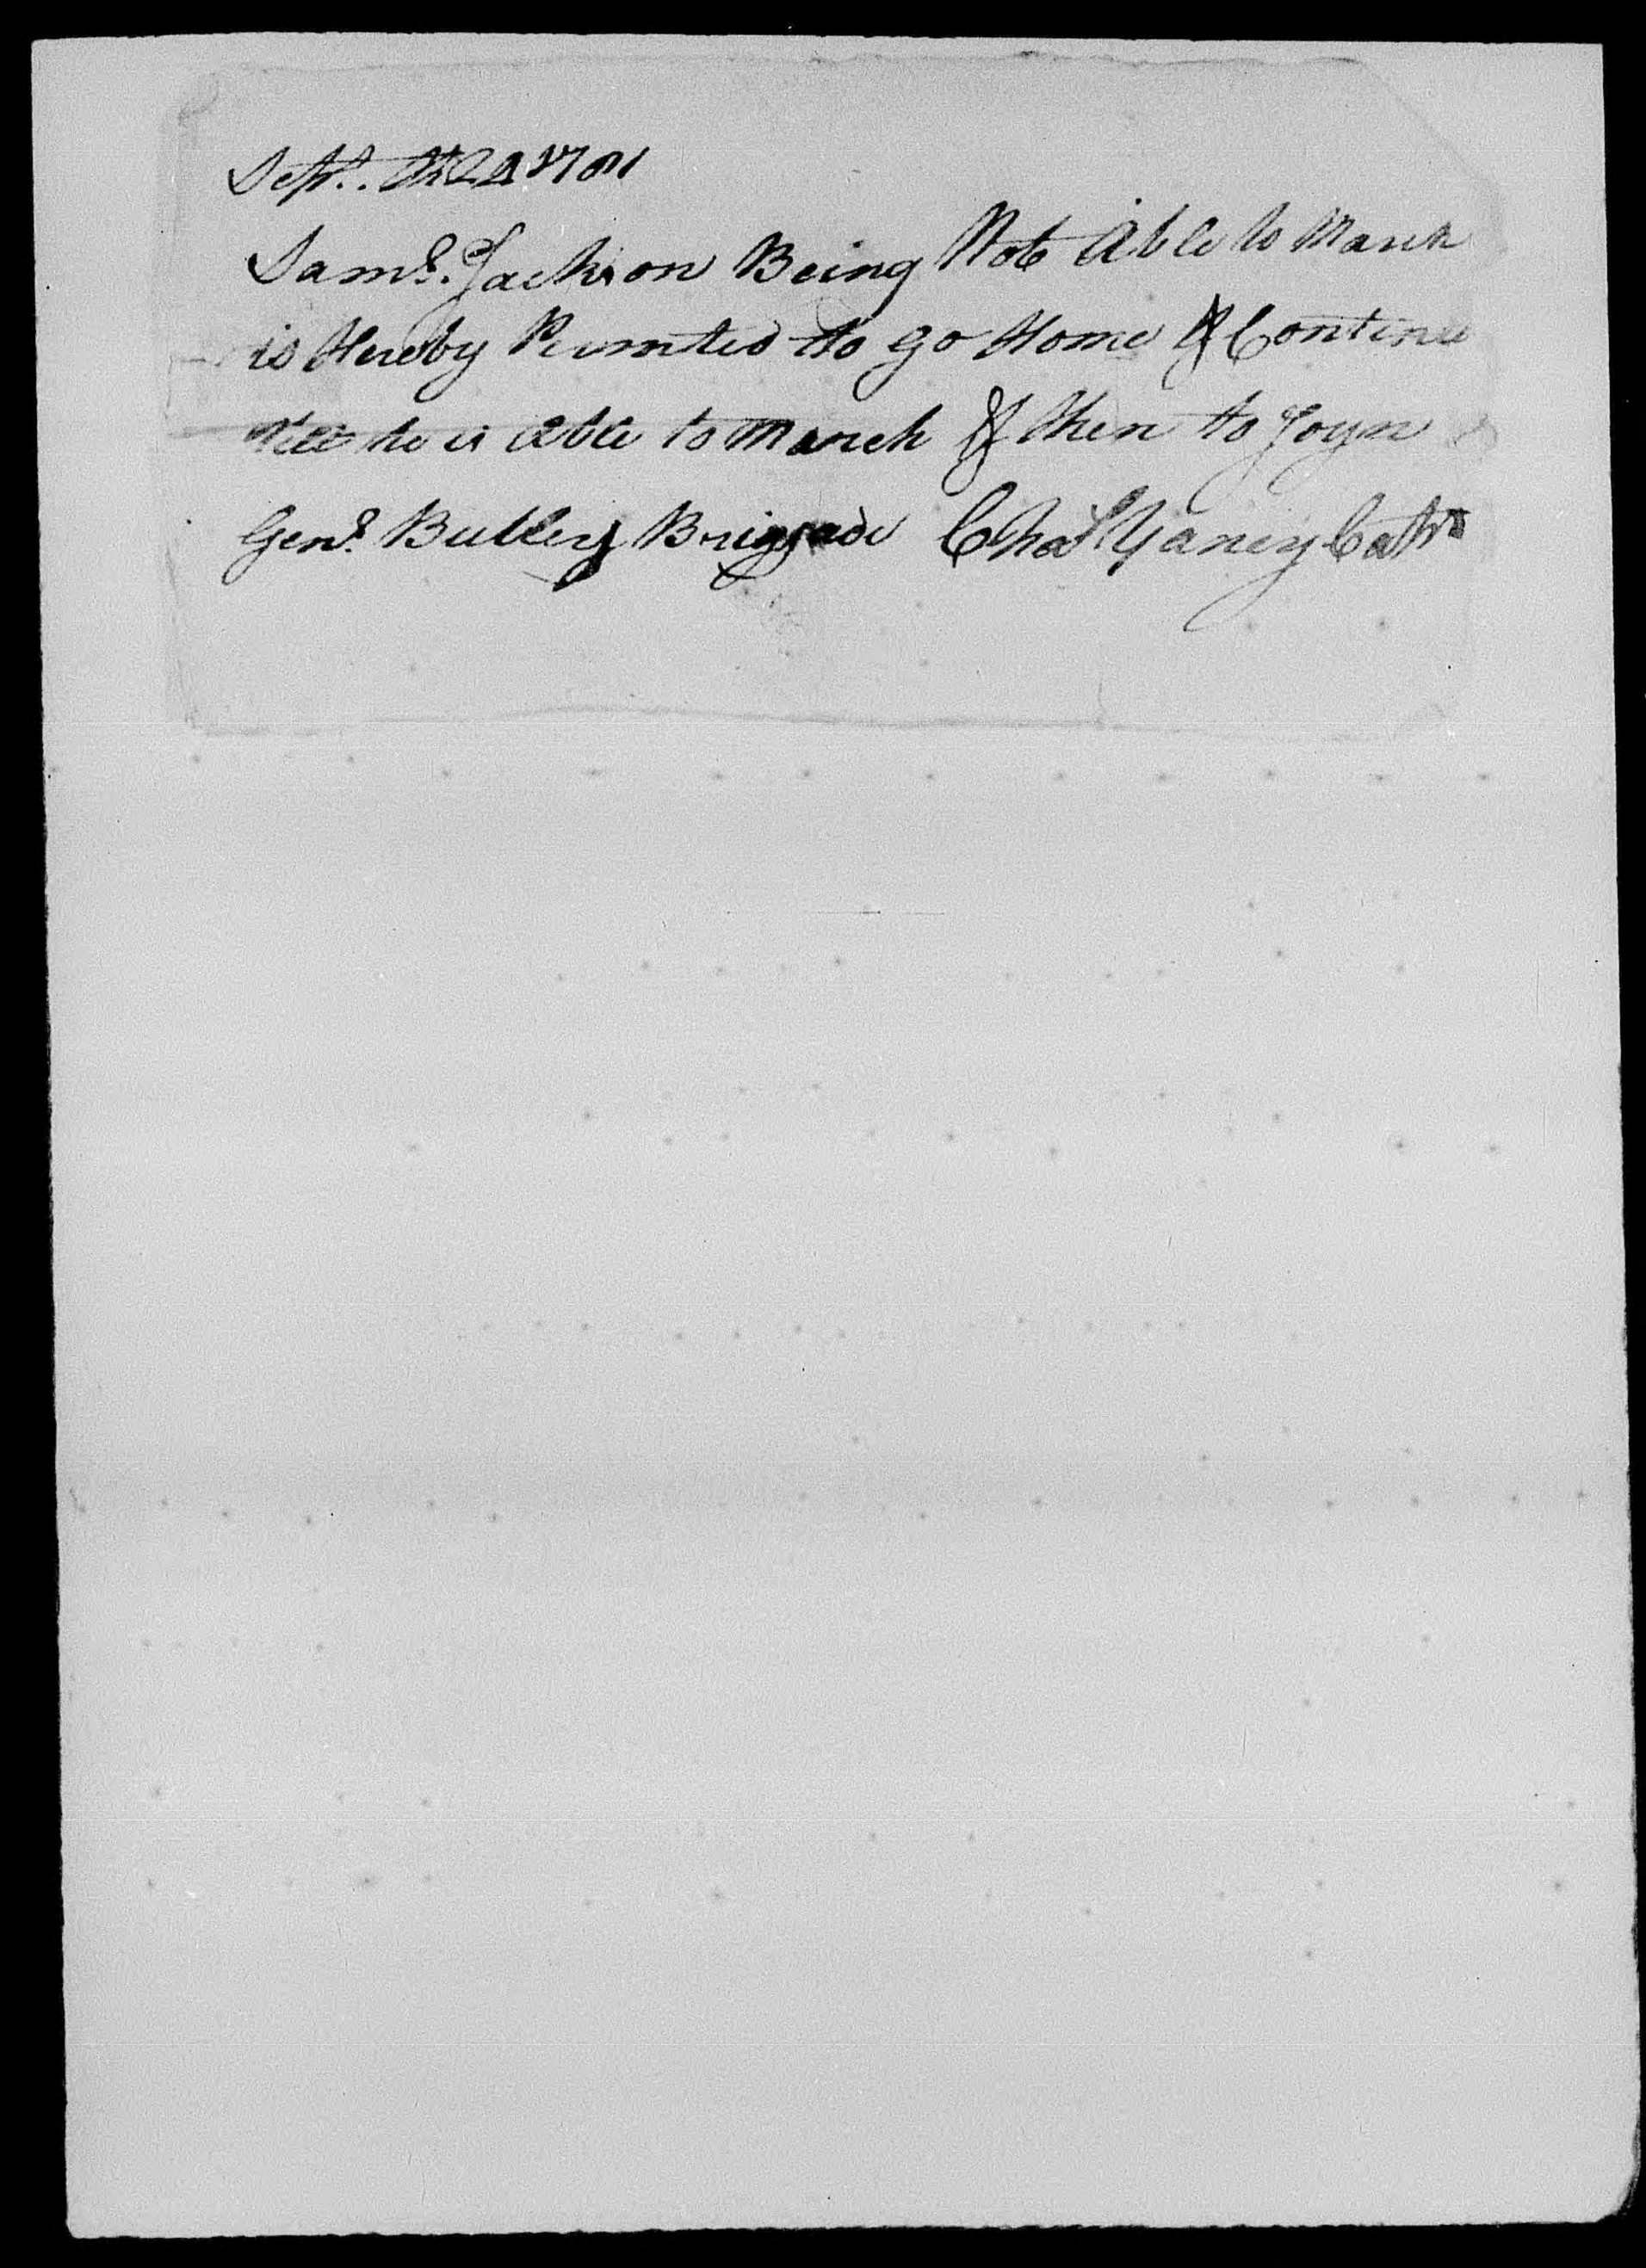Sept. (illegible)
Sams. Jackson being not able to march is hereby prevented to go home. & continues until he is able to march & then to joyn
General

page: 3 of 49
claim: widow's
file: W. 4001, for Samuel Jackson, North Carolina